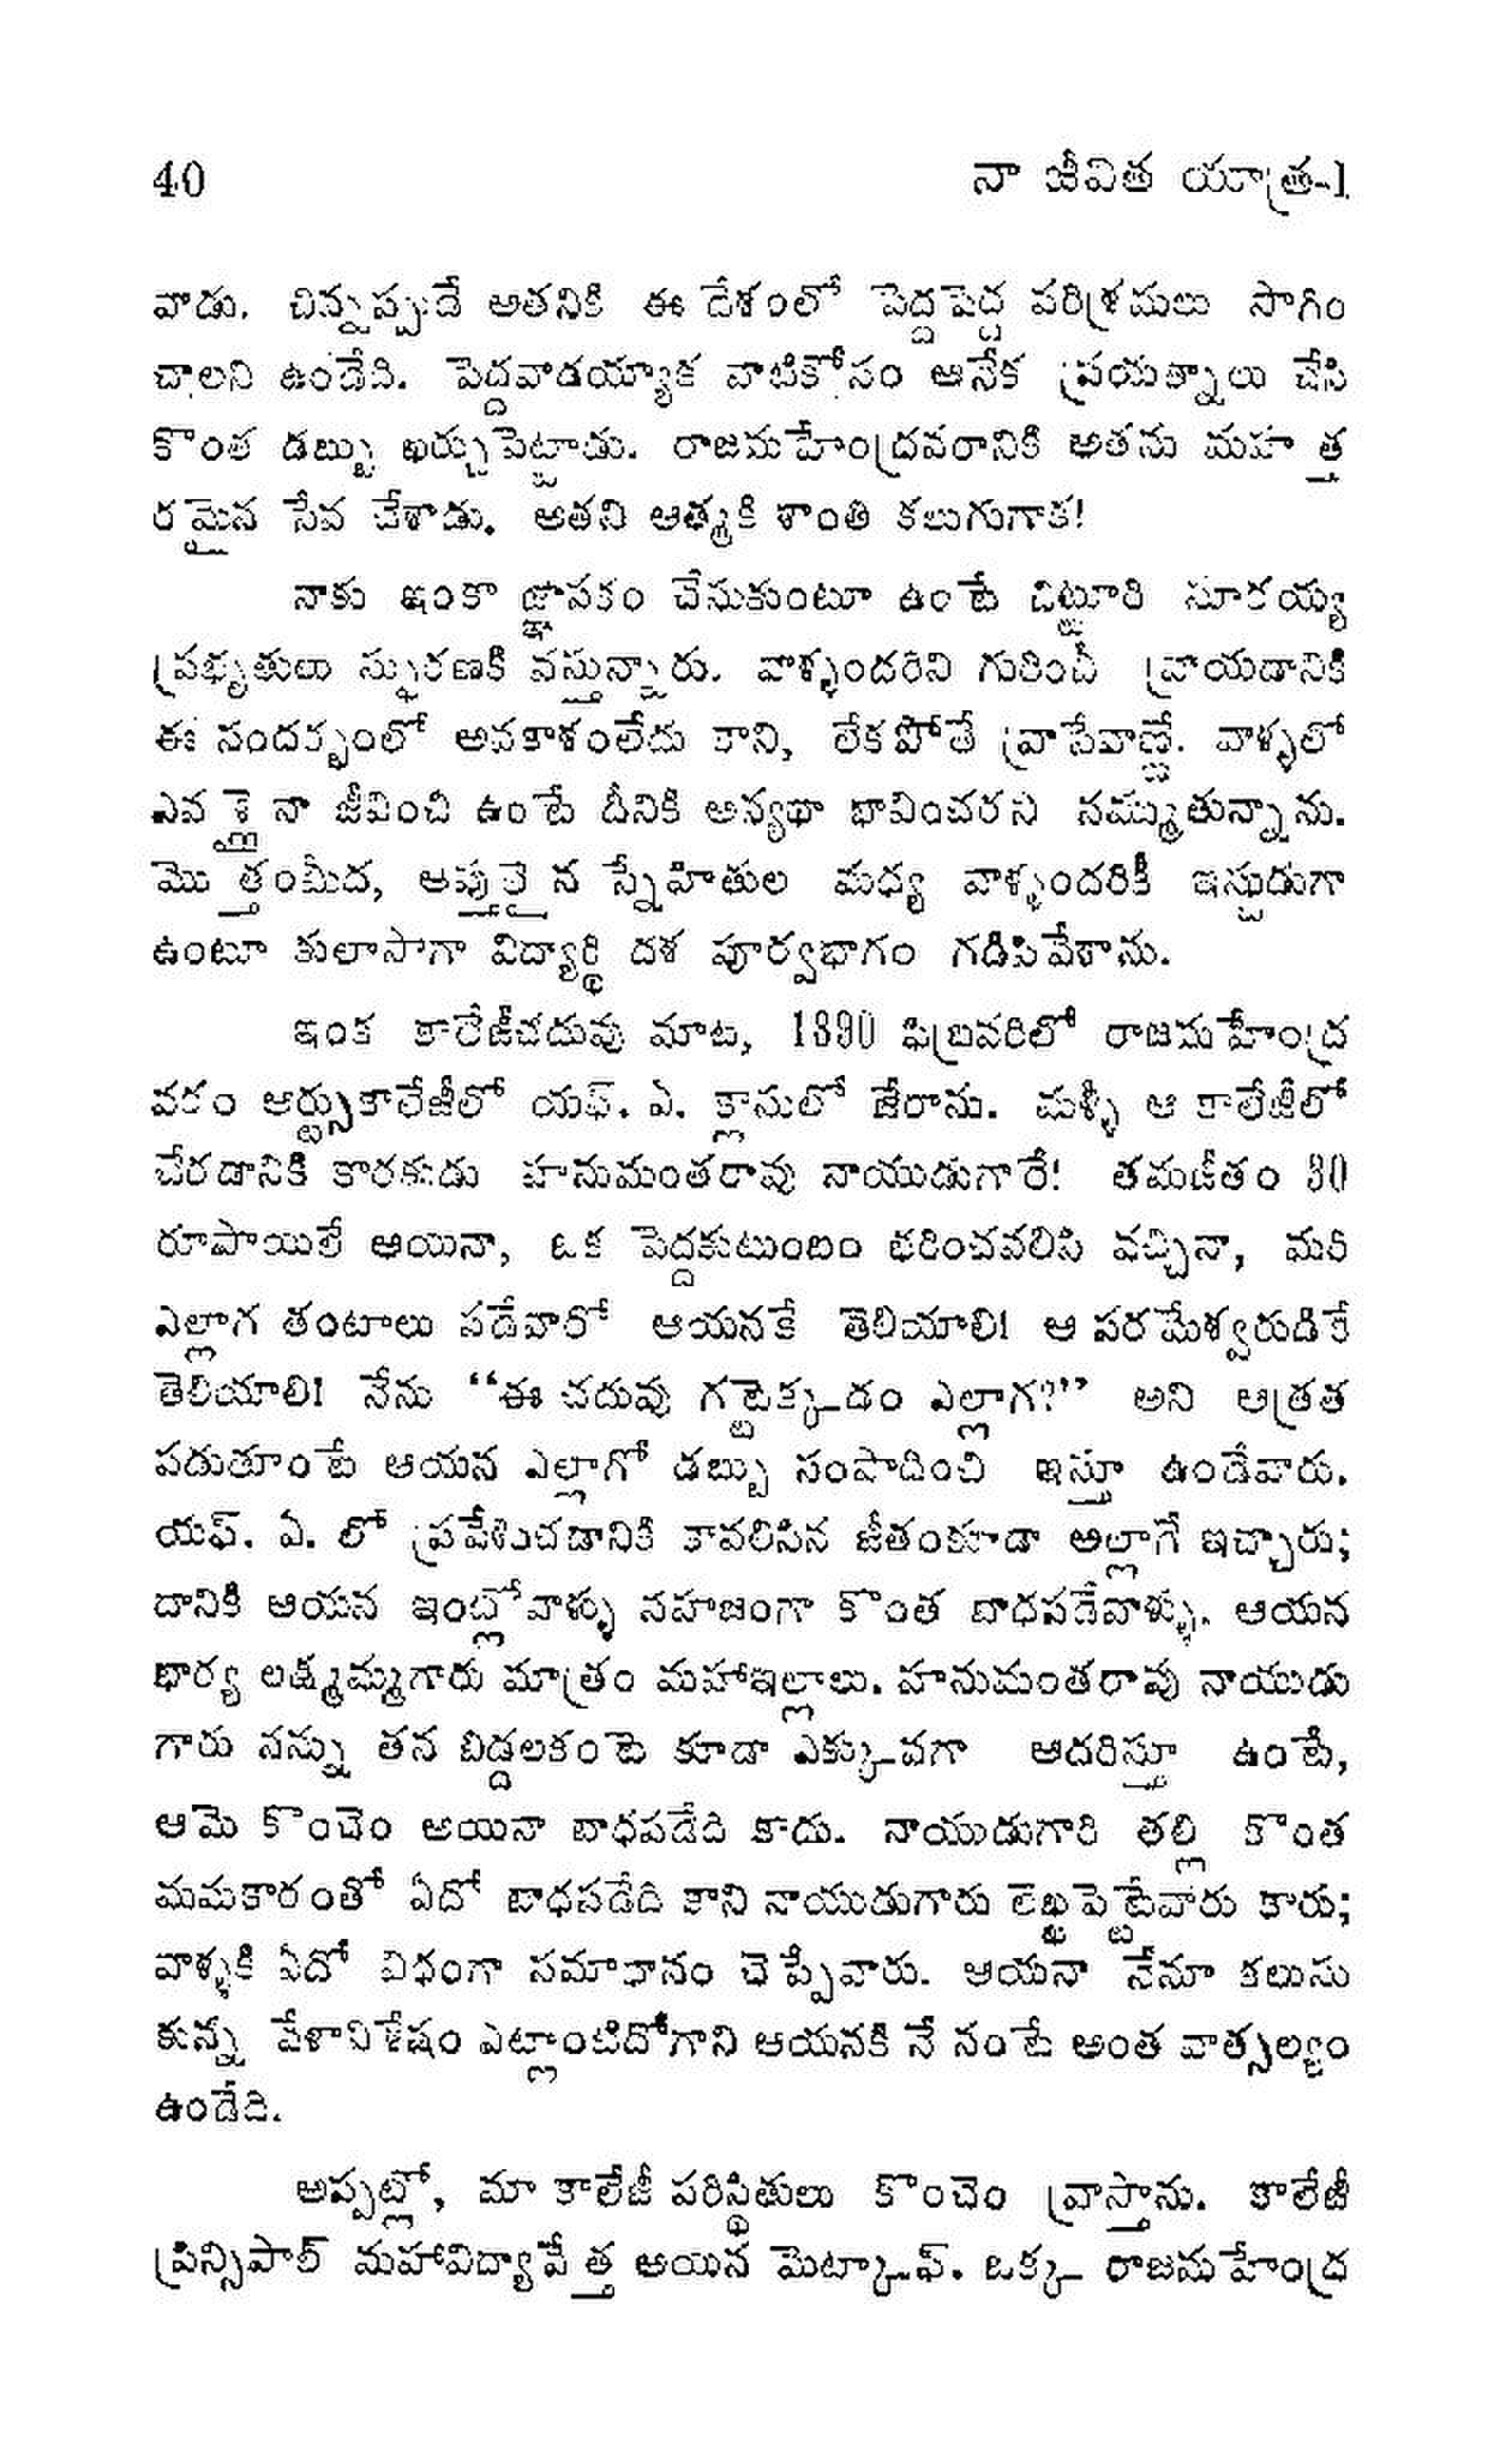వాడు. చిన్నప్పుడే అతనికి ఈ దేశంలో పెద్దపెద్ద పరిశ్రమలు సాగించాలని ఉండేది. పెద్దవాడయ్యాక వాటికోసం అనేక ప్రయత్నాలు చేసి కొంత డబ్బు ఖర్చుపెట్టాడు. రాజమహేంద్రవరానికి అతను మహత్తరమైన సేవ చేశాడు. అతని ఆత్మకి శాంతి కలుగుగాక!

నాకు ఇంకా జ్ఞాపకం చేసుకుంటూ ఉంటే చిట్టూరి సూరయ్య ప్రభృతులు స్ఫురణకి వస్తున్నారు. వాళ్ళందరిని గురించీ వ్రాయడానికి ఈ సందర్బంలో అవకాశంలేదు కాని, లేకపోతే వ్రాసేవాణ్ణే. వాళ్ళలో ఎవళ్లైనా జీవించి ఉంటే దీనికి అన్యథా భావించరని నమ్ముతున్నాను. మొత్తంమీద, ఆప్తులైన స్నేహితుల మధ్య వాళ్ళందరకీ ఇష్టుడుగా ఉంటూ కులాసాగా విద్యార్థి దశ పూర్వభాగం గడిపివేశాను.

ఇంక కాలేజీచదువు మాట, 1890 ఫిబ్రవరిలో రాజమహేంద్రవరం ఆర్ట్సుకాలేజీలో యఫ్. ఏ. క్లాసులో జేరాను. మళ్ళీ ఆ కాలేజీలో చేరడానికి కారకుడు హనుమంతరావు నాయుడుగారే! తమజీతం 30 రూపాయిలే అయినా, ఒక పెద్దకుటుంబం భరించవలిసి వచ్చినా, మరి ఎల్లాగ తంటాలు పడేవారో ఆయనకే తెలియాలి! ఆ పరమేశ్వరుడికే తెలియాలి! నేను "ఈ చదువు గట్టెక్కడం ఎల్లాగ?" అని ఆత్రత పడుతూంటే ఆయన ఎల్లాగో డబ్బు సంపాదించి ఇస్తూ ఉండేవారు. యఫ్. ఏ. లో ప్రవేశించడానికి కావలసిన జీతంకూడా అల్లాగే ఇచ్చారు; దానికి ఆయన ఇంట్లోవాళ్ళు సహజంగా కొంత బాధపడే వాళ్ళు. ఆయన భార్య లక్ష్మమ్మగారు మాత్రం మహాఇల్లాలు. హనుమంతరావు నాయుడుగారు నన్ను తన బిడ్డలకంటె కూడా ఎక్కువగా ఆదరిస్తూ ఉంటే, ఆమె కొంచెం అయినా బాధపడేది కాదు. నాయుడుగారి తల్లి కొంత మమకారంతో ఏదో బాధపడేది కాని నాయుడుగారు లెఖ్ఖపెట్టేవారు కారు; వాళ్ళకి ఏదో విధంగా సమాధానం చెప్పేవారు. ఆయనా నేనూ కలుసుకున్న వేళావిశేషం ఎట్లాంటిదోగాని ఆయనకి నే నంటే అంత వాత్సల్యం ఉండేది.

అప్పట్లో, మా కాలేజీ పరిస్థితులు కొంచెం వ్రాస్తాను. కాలేజీ ప్రిన్సిపాల్ మహావిద్యావేత్త అయిన మెట్కాఫ్. ఒక్క రాజమహేంద్ర